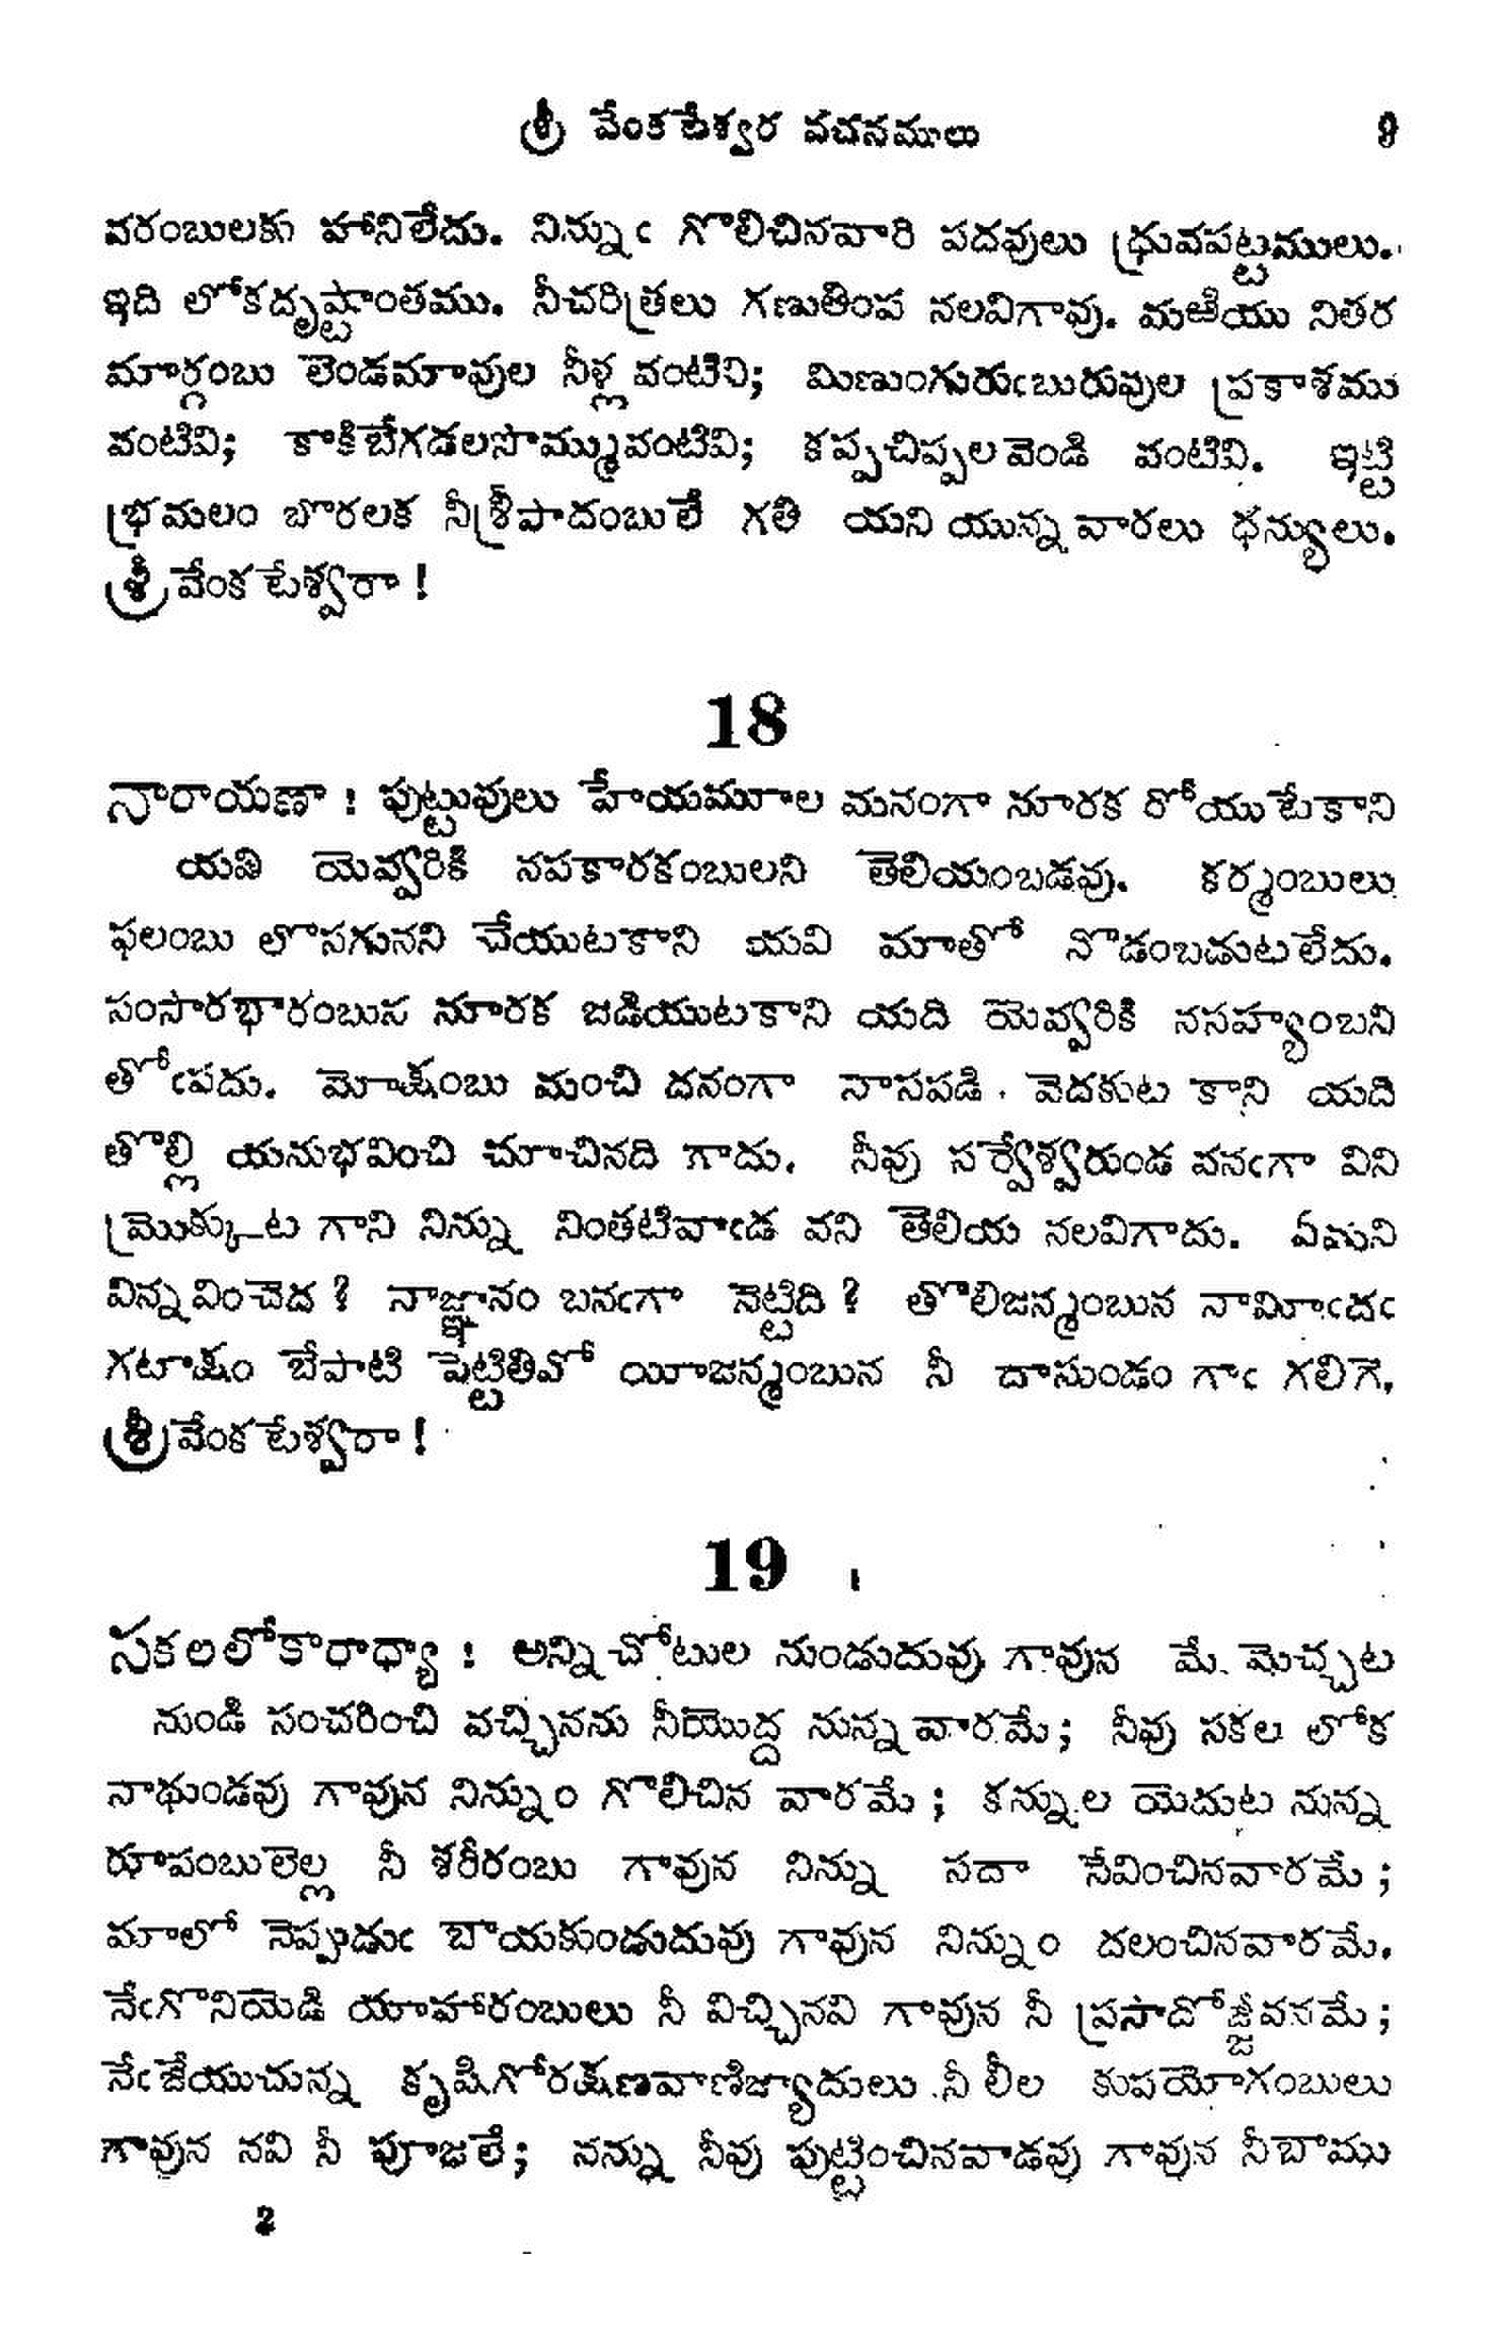వరంబులకు హానిలేదు. నిన్నుఁ గొలిచినవారి పదవులు ధ్రువపట్టములు. ఇది లోకదృష్టాంతము. నీచరిత్రలు గణుతింప నలవిగావు. మఱియు నితరమార్గంబు లెండమావుల నీళ్ల వంటివి; మిణుంగురుఁబురువుల ప్రకాశము వంటివి; కాకిబేగడలసొమ్మువంటివి; కప్పచిప్పలవెండి వంటివి. ఇట్టి భ్రమలం బొరలక నీశ్రీపాదంబులే గతి యని యున్నవారలు ధన్యులు. శ్రీ వేంకటేశ్వరా!

18 

! పుట్టువులు హేయమూల మనంగా నూరక రోయుటేకాని
యని యెవ్వరికి నపకారకంబులని తెలియంబడవు. కర్మంబులు ఫలంబు లొసగునని చేయుటకాని యవి మాతో నొడంబడుటలేదు. సంసారభారంబున నూరక జడియుటకాని యది యెవ్వరికి నసహ్యంబని తోఁపదు. మోక్షంబు మంచి దనంగా నాసపడి వెదకుట కాని యది తొల్లి యనుభవించి చూచినది గాదు. నీవు సర్వేశ్వరుండ వనఁగా విని
మ్రొక్కుట గాని నిన్ను నింతటివాఁడ వని తెలియ నలవిగాదు. ఏమని విన్నవించెద? నాజ్ఞానం బనఁగా నెట్టిది? తొలిజన్మంబున నామీఁదఁ గటాక్షం బేపాటి పెట్టితివో యీజన్మంబున నీ దాసుండం గాఁ గలిగె, శ్రీవేంకటేశ్వరా!

19 

 ! అన్నిచోటుల నుండుదువు గావున మే మెచ్చటనుండి సంచరించి వచ్చినను నీయొద్ద నున్నవారమే; నీవు సకలలోకనాథుండవు గావున నిన్నుం గొలిచిన వారమే; కన్నుల యెదుట నున్న రూపంబులెల్ల నీ శరీరంబు గావున నిన్ను సదా సేవించినవారమే; మాలో నెప్పుడుఁ బాయకుండుదువు గావున నిన్నుం దలంచినవారమే. నేఁగొనియెడి యాహారంబులు నీ విచ్చినవి గావున నీ ప్రసాదోజ్జీవనమే; నేఁజేయుచున్న కృషిగోరక్షణవాణిజ్యాదులు నీ లీల కుపయోగంబులు గావున నవి నీ పూజలే; నన్ను నీవు పుట్టించినవాడవు గావున నీబాము